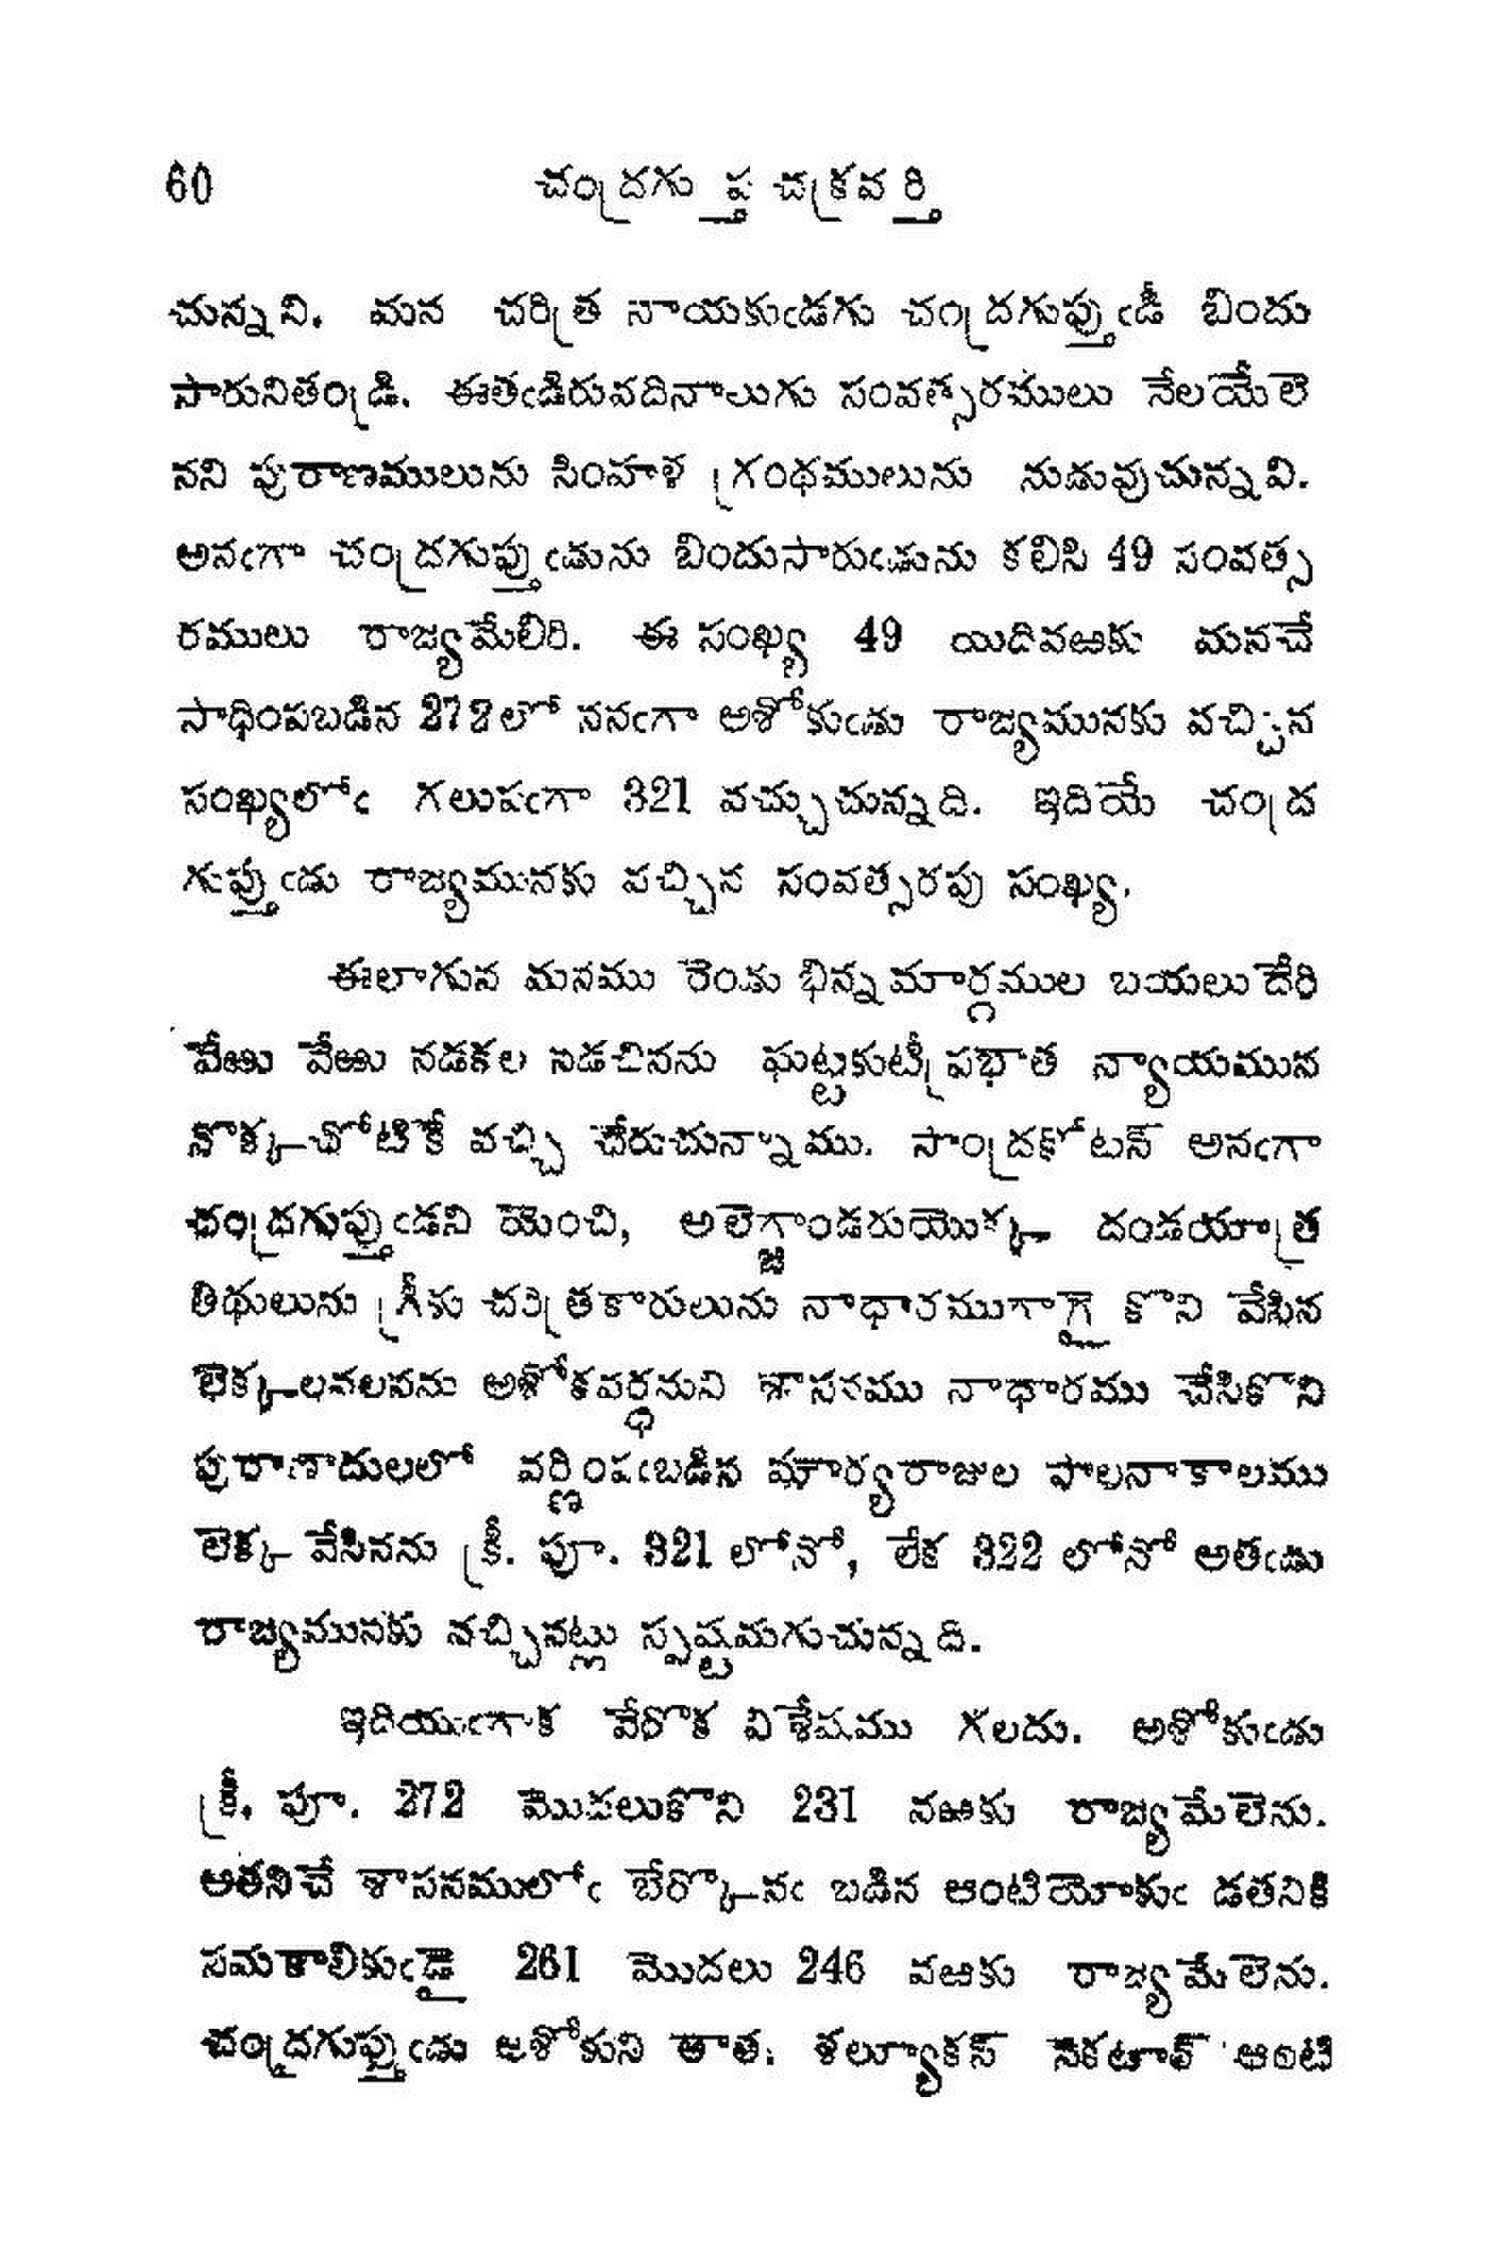చున్నవి. మన చరిత్ర నాయకుఁడగు చంద్రగుప్తుఁడీ బిందుసారునితండ్రి. ఈతఁడిరువదినాలుగు సంవత్సరములు నేలయేలె నని పురాణములును సింహళ గ్రంథములును నుడువుచున్నవి. అనఁగా చంద్రగుప్తుఁడును బిందుసారుడును కలిసి 49 సంవత్సరములు రాజ్యమేలిరి. ఈ సంఖ్య 49 యిదివఱకు మనచే సాధింపబడిన 272లో ననఁగా అశోకుఁడు రాజ్యమునకు వచ్చిన సంఖ్యలోఁ గలుపగా 321 వచ్చుచున్నది. ఇదియే చంద్రగుప్తుఁడు రాజ్యమునకు వచ్చిన సంవత్సరపు సంఖ్య,

ఈలాగున మనము రెండు భిన్నమార్గముల బయలుదేరి వేఱు వేఱు నడకల నడచినను ఘట్టకుటీప్రభాత న్యాయమున నొక్కచోటికే వచ్చి చేరుచున్నాము. సాంద్రకోటస్ అనఁగా చంద్రగుప్తుడని యెంచి, అలెగ్జాండరుయొక్క దండయాత్ర తిథులును గ్రీకు చరిత్రకారులును నాధారముగాగై కొని వేసిన లెక్కలవలనను అశోకవర్ధనుని శాసనము నాధారము చేసికొని పురాణాదులలో వర్ణింపఁబడిన మౌర్యరాజుల పాలనాకాలము లెక్క వేసినను క్రీ. పూ. 321 లోనో, లేక 322 లోనో అతఁడు రాజ్యమునకు వచ్చినట్లు స్పష్టమగుచున్నది.

ఇదియుఁగాక వేరొక విశేషము గలదు. అశోకుఁడు క్రీ. పూ. 272 మొదలుకొని 231 వఱకు రాజ్యమేలెను. అతనిచే శాసనములోఁ బేర్కొనఁ బడిన ఆంటియోకుఁ డతనికి సమకాలికుఁడై 261 మొదలు 246 వఱకు రాజ్యమేలెను. చంద్రగుప్తుఁడు అశోకుని తాత, శల్యూకస్ నెకటాస్ అంటి